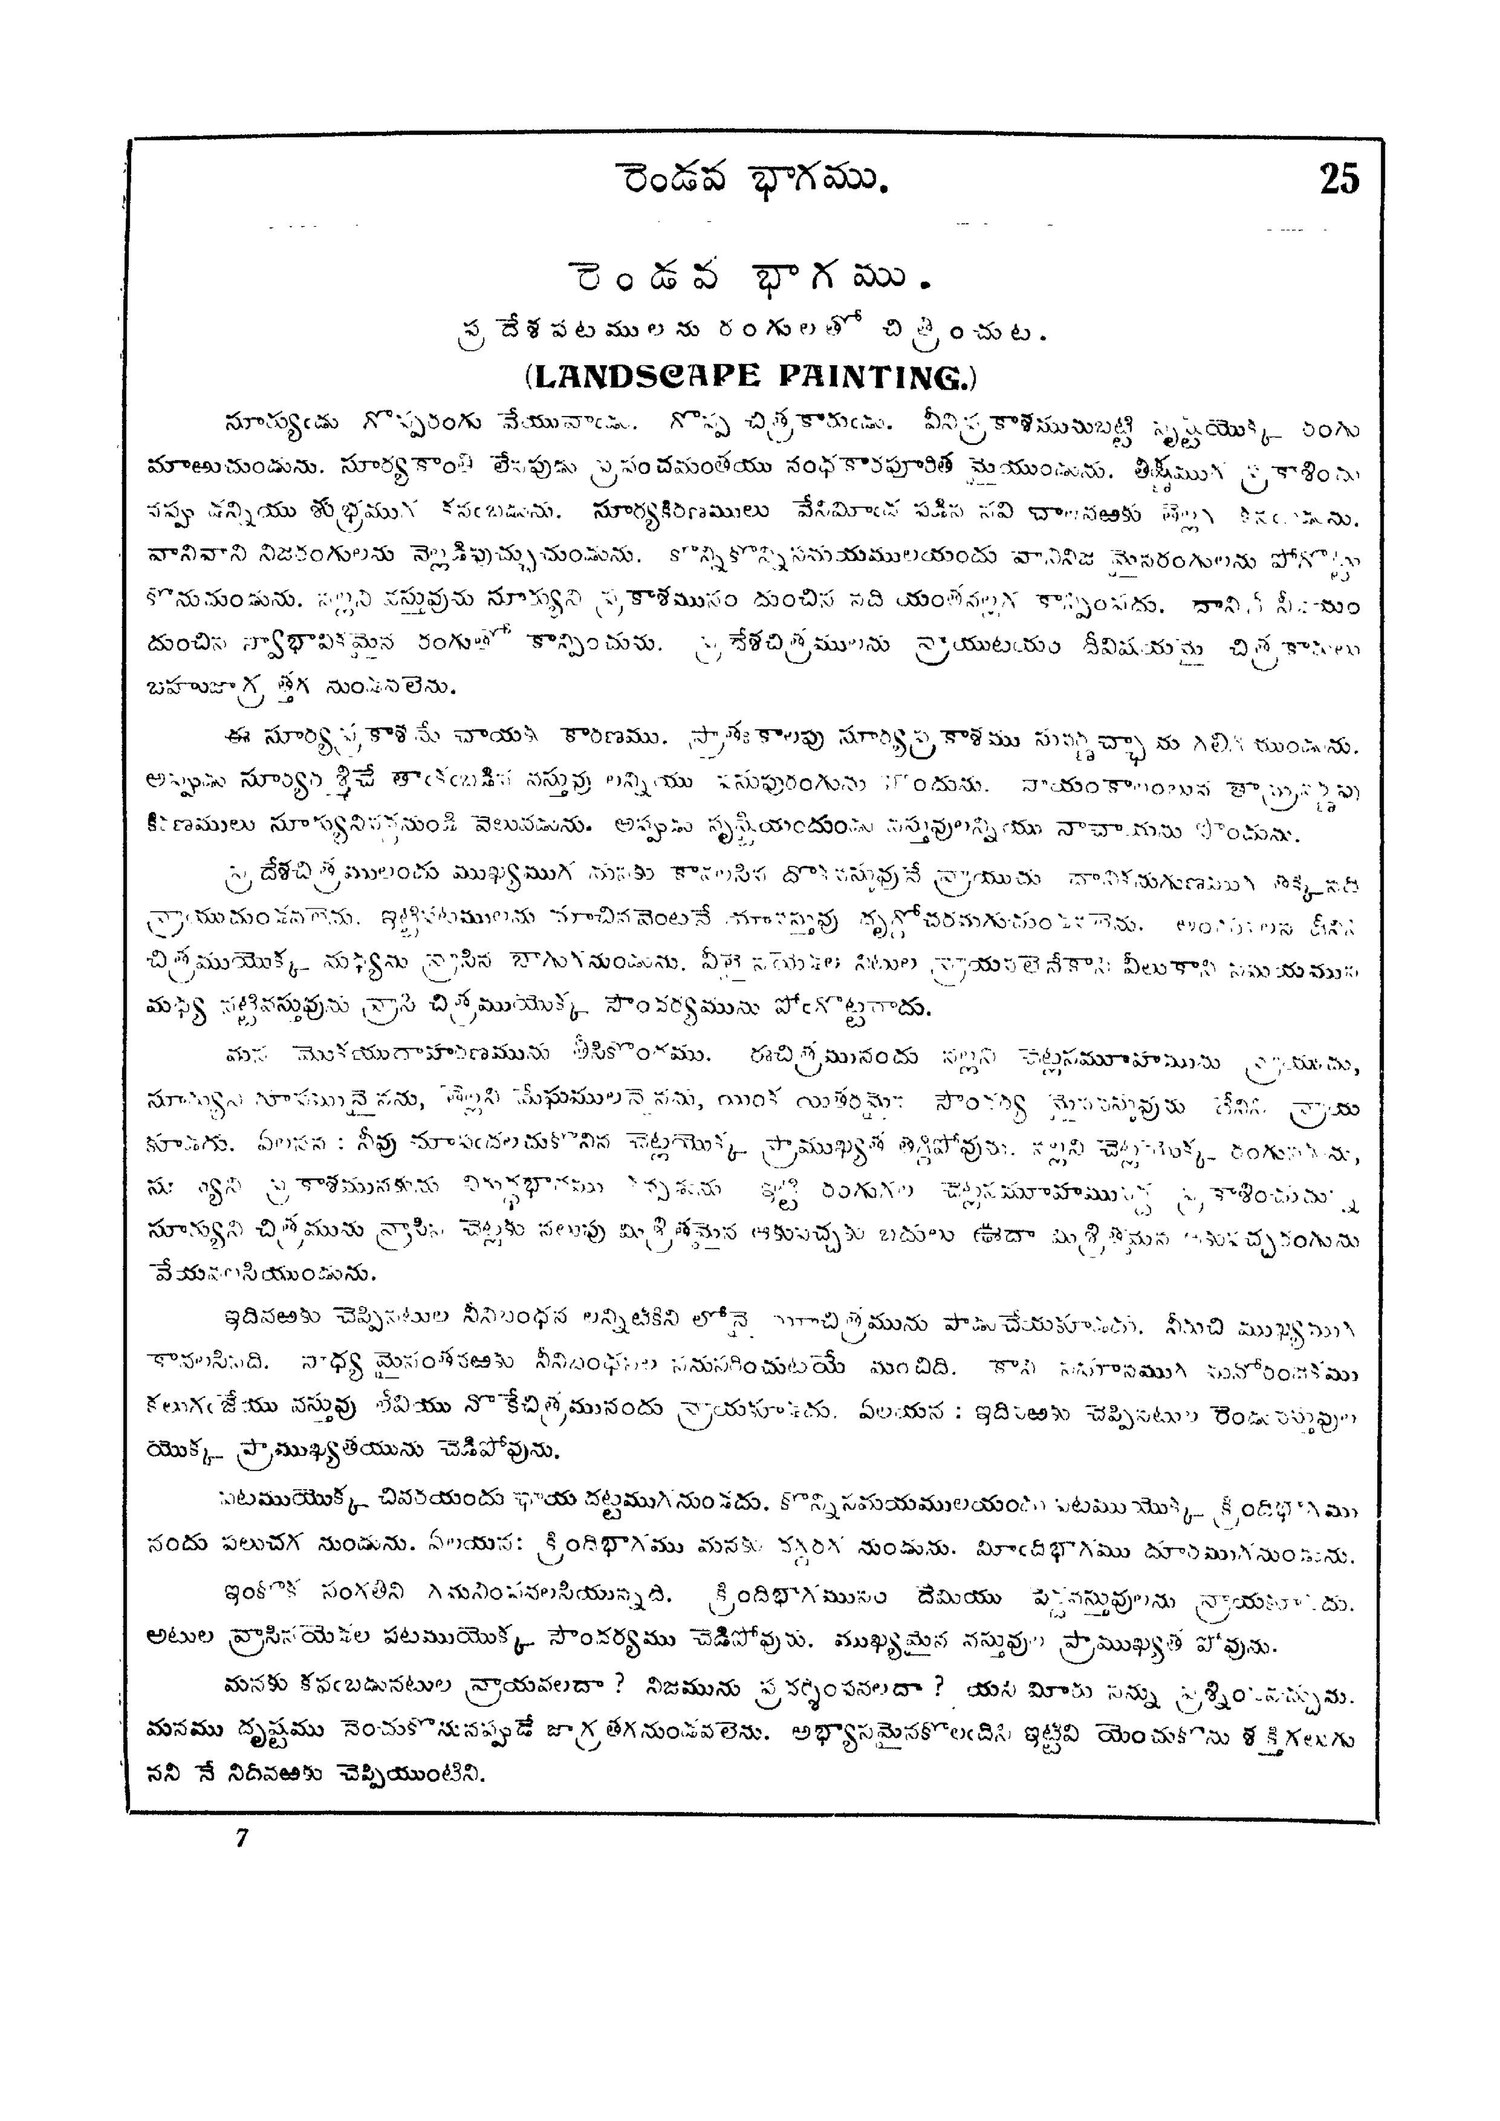సూర్యుడు గొప్పరంగు వేయువాడు. గొప్ప చిత్రకారుడు. వీనిప్రకాశమునుబట్టి సృష్టియొక్క రంగు మాఱుచుండును. సూర్యకాంతి లేనపుడు ప్రపంచమంతయు నంధకారపూరిత మైయుండును. తీక్ష్ణముగ ప్రకాశించునప్పు డన్నియు శుభ్రముగ కనబడును. సూర్యకిరణములు వేనిమీద పడిన నవి చాలవఱకు తెల్లగ కనబడును. వానివాని నిజరంగులను వెల్లడిపుచ్చుచుండును. కొన్నికొన్నిసమయములయందు వాని నిజమైన రంగులను పోగొట్టుకొనుచుండును. నల్లని వస్తువును సూర్యుని ప్రకాశమునం దుంచిన నది యంతనల్లగ కాన్పింపదు. దానినే నీడయందుంచిన స్వాభావికమైన రంగుతో కాన్పించును. ప్రదేశచిత్రములను వ్రాయుటయం దీవిషయమై చిత్రకారులు బహుజాగ్రత్తగ నుండవలెను.

ఈ సూర్యప్రకాశమే చాయకు కారణము. ప్రాత:కాలపు సూర్యప్రకాశము సువర్ణచ్ఛాయ గలిగి యుండును. అప్పుడు సూర్యరశ్మిచే తాకబడిన వస్తువు లన్నియు పసుపురంగును పొందును. సాయంకాలంబున తామ్రవర్ణపు కిరణములు సూర్యునివద్దనుండి వెలువడును. అప్పుడు సృష్టియందుండు వస్తువులన్నియు నాచాయను పొందును.

ప్రదేశచిత్రములందు ముఖ్యముగ మనకు కావలసిన దొకవస్తువునే వ్రాయుచు దానికనుగుణముగ తక్కినది వ్రాయుచుండవలెను. ఇట్టిపటములను చూచినవెంటనే యావస్తువు దృగ్గోచరమగుచుండవలెను. అందువలన దీనిని చిత్రముయొక్క మధ్యను వ్రాసిన బాగుగనుండును. వీలైనయెడల నిటుల వ్రాయవలెనేకాని వీలుకాని సమయమున మధ్య నట్టివస్తువును వ్రాసి చిత్రముయొక్క సౌందర్యమును పోగొట్టరాదు.

మన మొకయుదాహరణమును తీసికొందము. ఈచిత్రమునందు నల్లని చెట్లసమూహమును వ్రాయుచు, సూర్యుని రూపమునైనను, తెల్లని మేఘములనైనను, యింక యితరమైన సౌందర్య మైన వస్తువును దేనిని వ్రాయకూడదు. ఏలనన: నీవు చూపదలచుకొనిన చెట్లయొక్క ప్రాముఖ్యత తగ్గిపోవును. నల్లని చెట్లయొక్క రంగునకును, సూర్యుని ప్రకాశమునకును విరుద్ధభావము నేర్పడును. ఇట్టి రంగుగల చెట్లసమూహమువద్ద ప్రకాశించుచున్న సూర్యుని చిత్రమును వ్రాసిన చెట్లకు నలుపు మిశ్రితమైన ఆకుపచ్చకు బదులు ఊదా మిశ్రితమైన ఆకుపచ్చరంగును వేయవలసియుండును.

ఇదివఱకు చెప్పినటుల నీనిబంధన లన్నిటికిని లోనై యీచిత్రమును పాడుచేయకూడదు. నీరుచి ముఖ్యముగ కావలసినది. సాధ్యమైనంతవఱకు నీనిబంధనల ననుసరించుటయే మంచిది. కాని సమానముగ మనోరంజకము కలుగజేయు వస్తువు లేవియు నొకేచిత్రమునందు వ్రాయకూడదు. ఏలయన: ఇదివఱకు చెప్పినటుల రెండువస్తువులయొక్క ప్రాముఖ్యతయును చెడిపోవును.

పటముయొక్క చివరయందు ఛాయ దట్టముగనుండదు. కొన్నిసమయములయందు పటముయొక్క క్రిందిభాగము నందు పలుచగ నుండును. ఏలయన: క్రిందిభాగము మనకు దగ్గరగ నుండును. మీదిభాగము దూరముగనుండును.

ఇంకొక సంగతిని గమనింపవలసియున్నది. క్రిందిభాగమునం దేమియు పెద్దవస్తువులను వ్రాయకూడదు. అటుల వ్రాసినయెడల పటముయొక్క సౌందర్యము చెడిపోవును. ముఖ్యమైన వస్తువుల ప్రాముఖ్యత పోవును.

మనకు కనబడునటుల వ్రాయవలదా? నిజమును ప్రదర్శింపవలదా? యని మీరు నన్ను ప్రశ్నించవచ్చును. మనము దృష్టము నెంచుకొనునప్పుడే జాగ్రతగనుండవలెను. అభ్యాసమైనకొలదిని ఇట్టివి యెంచుకొను శక్తిగలుగునని నే నిదివఱకు చెప్పియుంటిని.